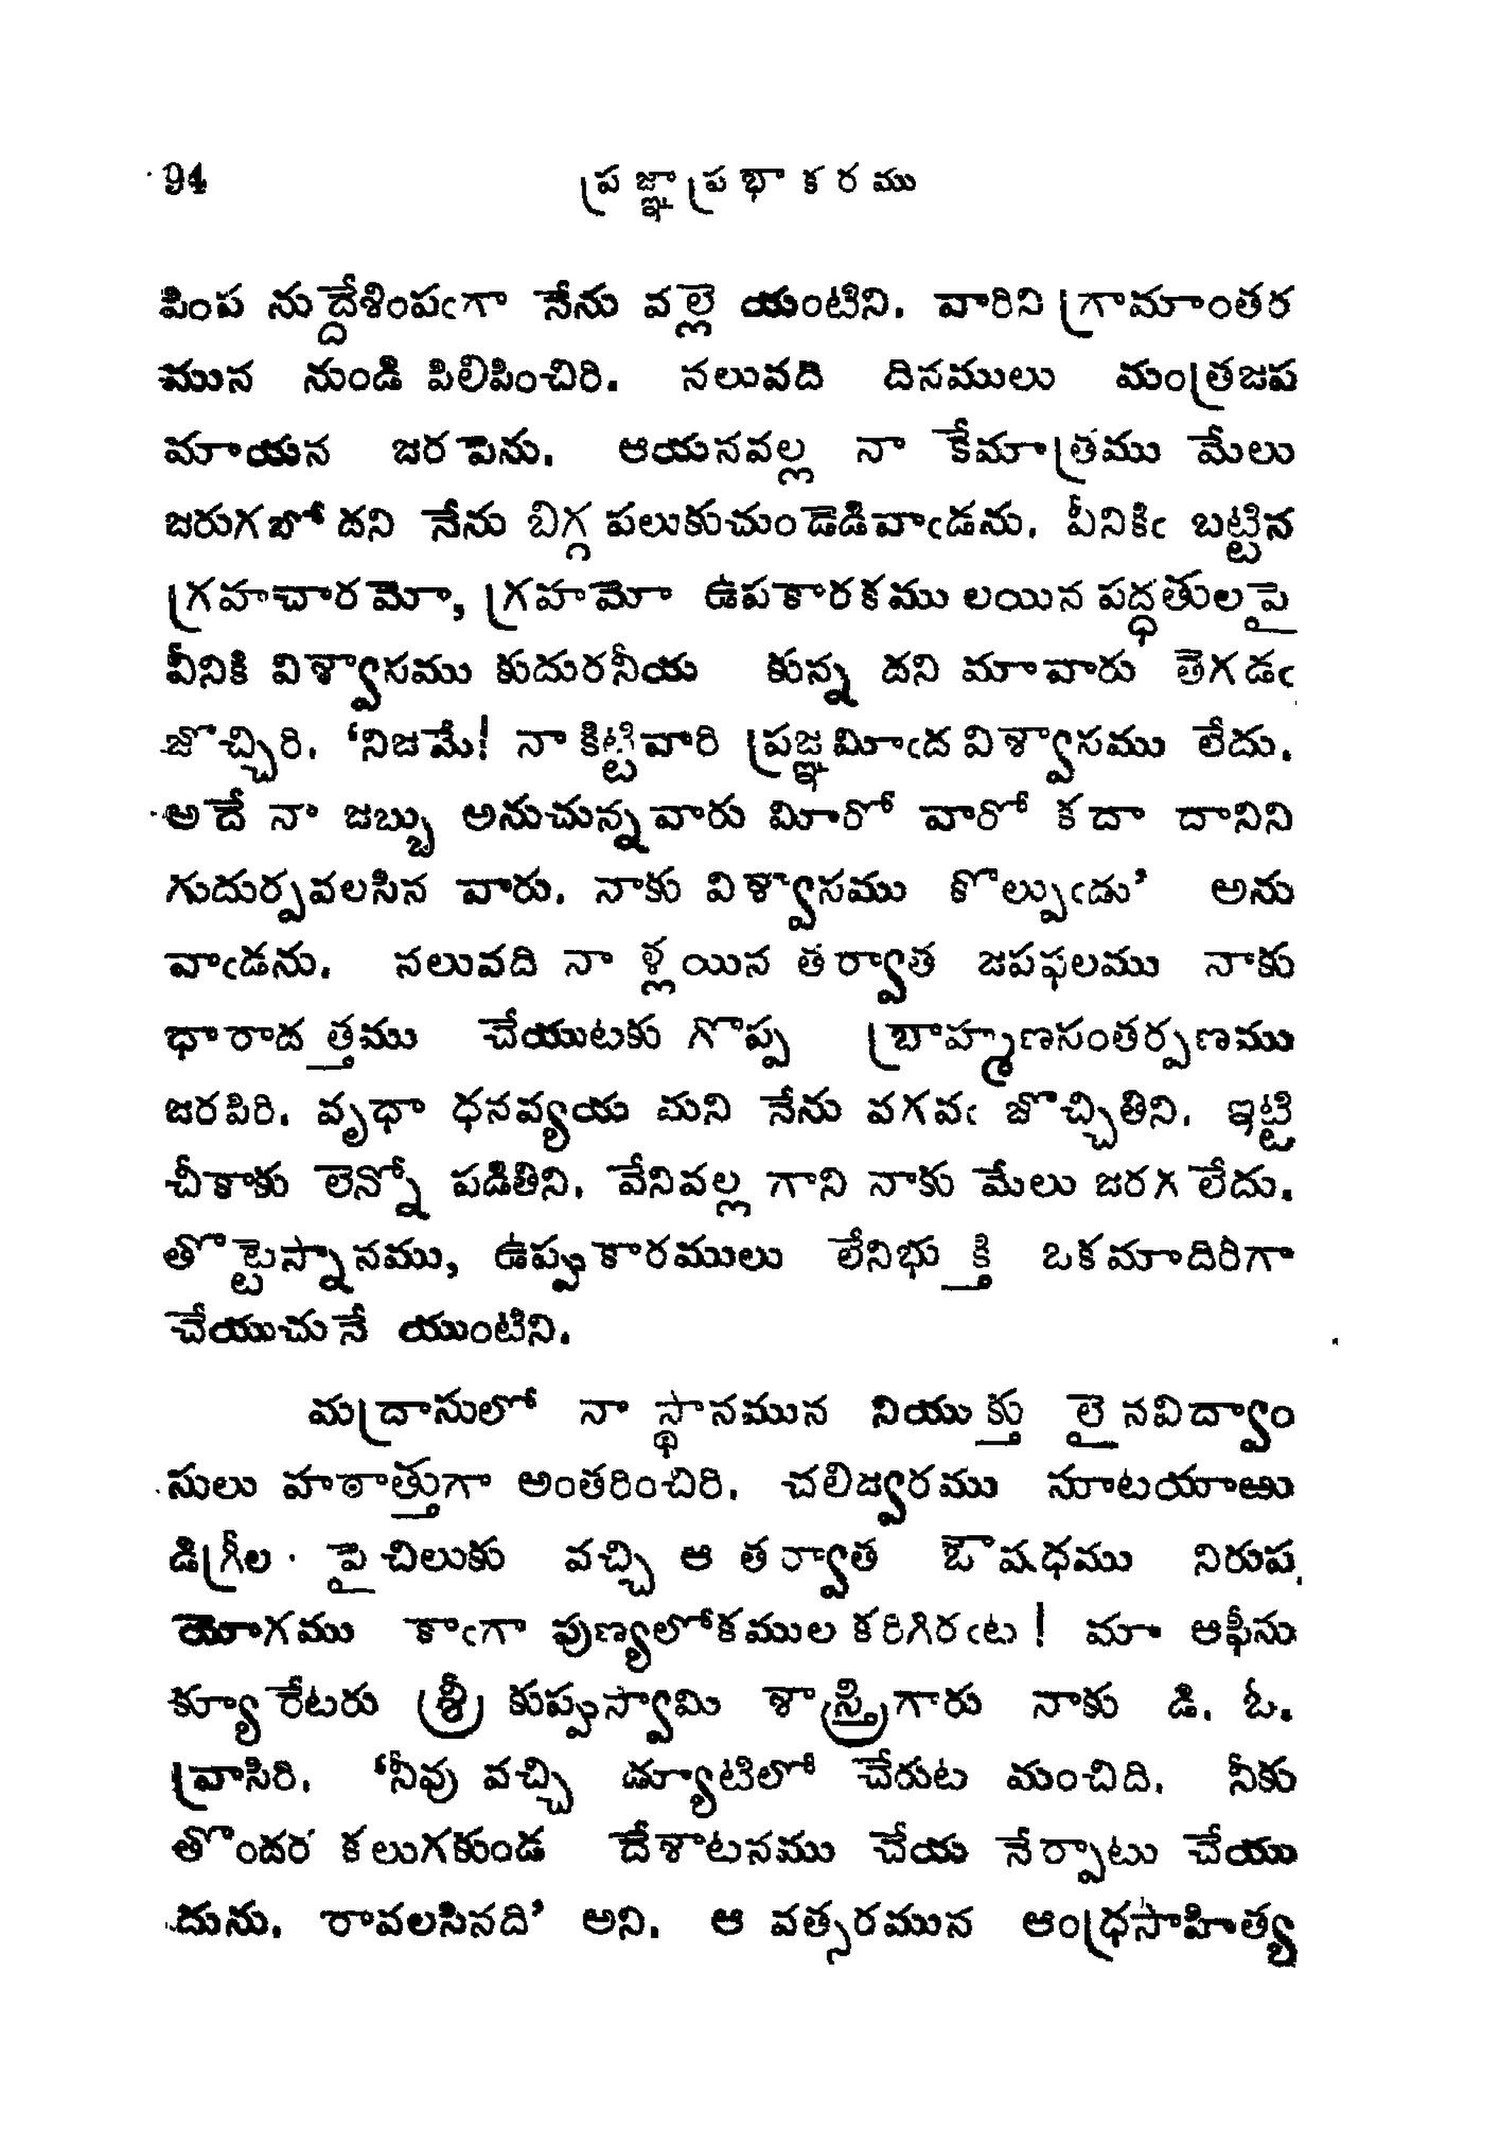పింప నుద్దేశింపఁ గా నేను వెళ్ళే యంటిని. వానిని గ్రామాంతర మున నుండి పిలిపించిరి. నలువది దినములు మంత్రజపమాయన జరపెను. ఆయన వల్ల నా కేమాత్రము మేలు జరుగ బోదని నేను బిగ్గ పలుకుచుండెడి వాఁడను. వీనికిఁ పట్టిన గ్రహ చారమో, గ్రహమో ఉపకారకము లయిన పద్ధతుల పై వీనికి విశ్వాసము కుదురు నీయ కున్నదని మా వారు తెగడఁ జొచ్చిరి." నిజమే! నా కిట్టివారి ప్రజ్ఞ మిఁ ద విస్వాసను లేదు. అదే నా జబ్బు అనుచున్న వారు మిరో వారో కొల్పుఁడు' అనువాఁ డను. నలువది నాళ్ళయిన తర్వాత జల ఫలము నాకు ధారాద త్తము చేయుటకు గొప్ప బ్రాహ్మణ సంతర్పణము జరపిరివృధా ధనవ్యయ మని నేను వగవఁ జొచ్చితిని. ఇట్టి చీకాకు లెన్నో పడితిని. వేనివల్ల గాని నాకు మేలు జరగా లేదు. తొట్టె స్నానము, ఉప్పుకారములు లేని భుక్తి ఒక మాదిరిగా చేయుచునే యుంటిని.

మద్రాసులో నా స్థానమున నియుక్తులైన విద్వాంసులు హఠాత్తుగా అంతరించిరి. చలి జ్వరము నూట యాఱుడిగ్రీల పై చిలుకు వచ్చి ఆ తర్వాత ఔషధము నిరుప యోగము కాఁగా పుణ్యలోకముల కరిగిరఁ ట! మా ఆఫీసు క్యురేటరు శ్రీ కుప్పు స్వామి శాస్త్రిగారు నాకు డి. ఓ. వ్రాసిరి .' నీవు వచ్చి డ్యూటిలో చేరుట మంచిది. నీకు తొందర కలుగకుండ దేశాటనము చేయ నేర్పాటు చేయుదును. రావలసినది' అని. ఆవత్సరమున ఆంధ్ర సాహిత్య